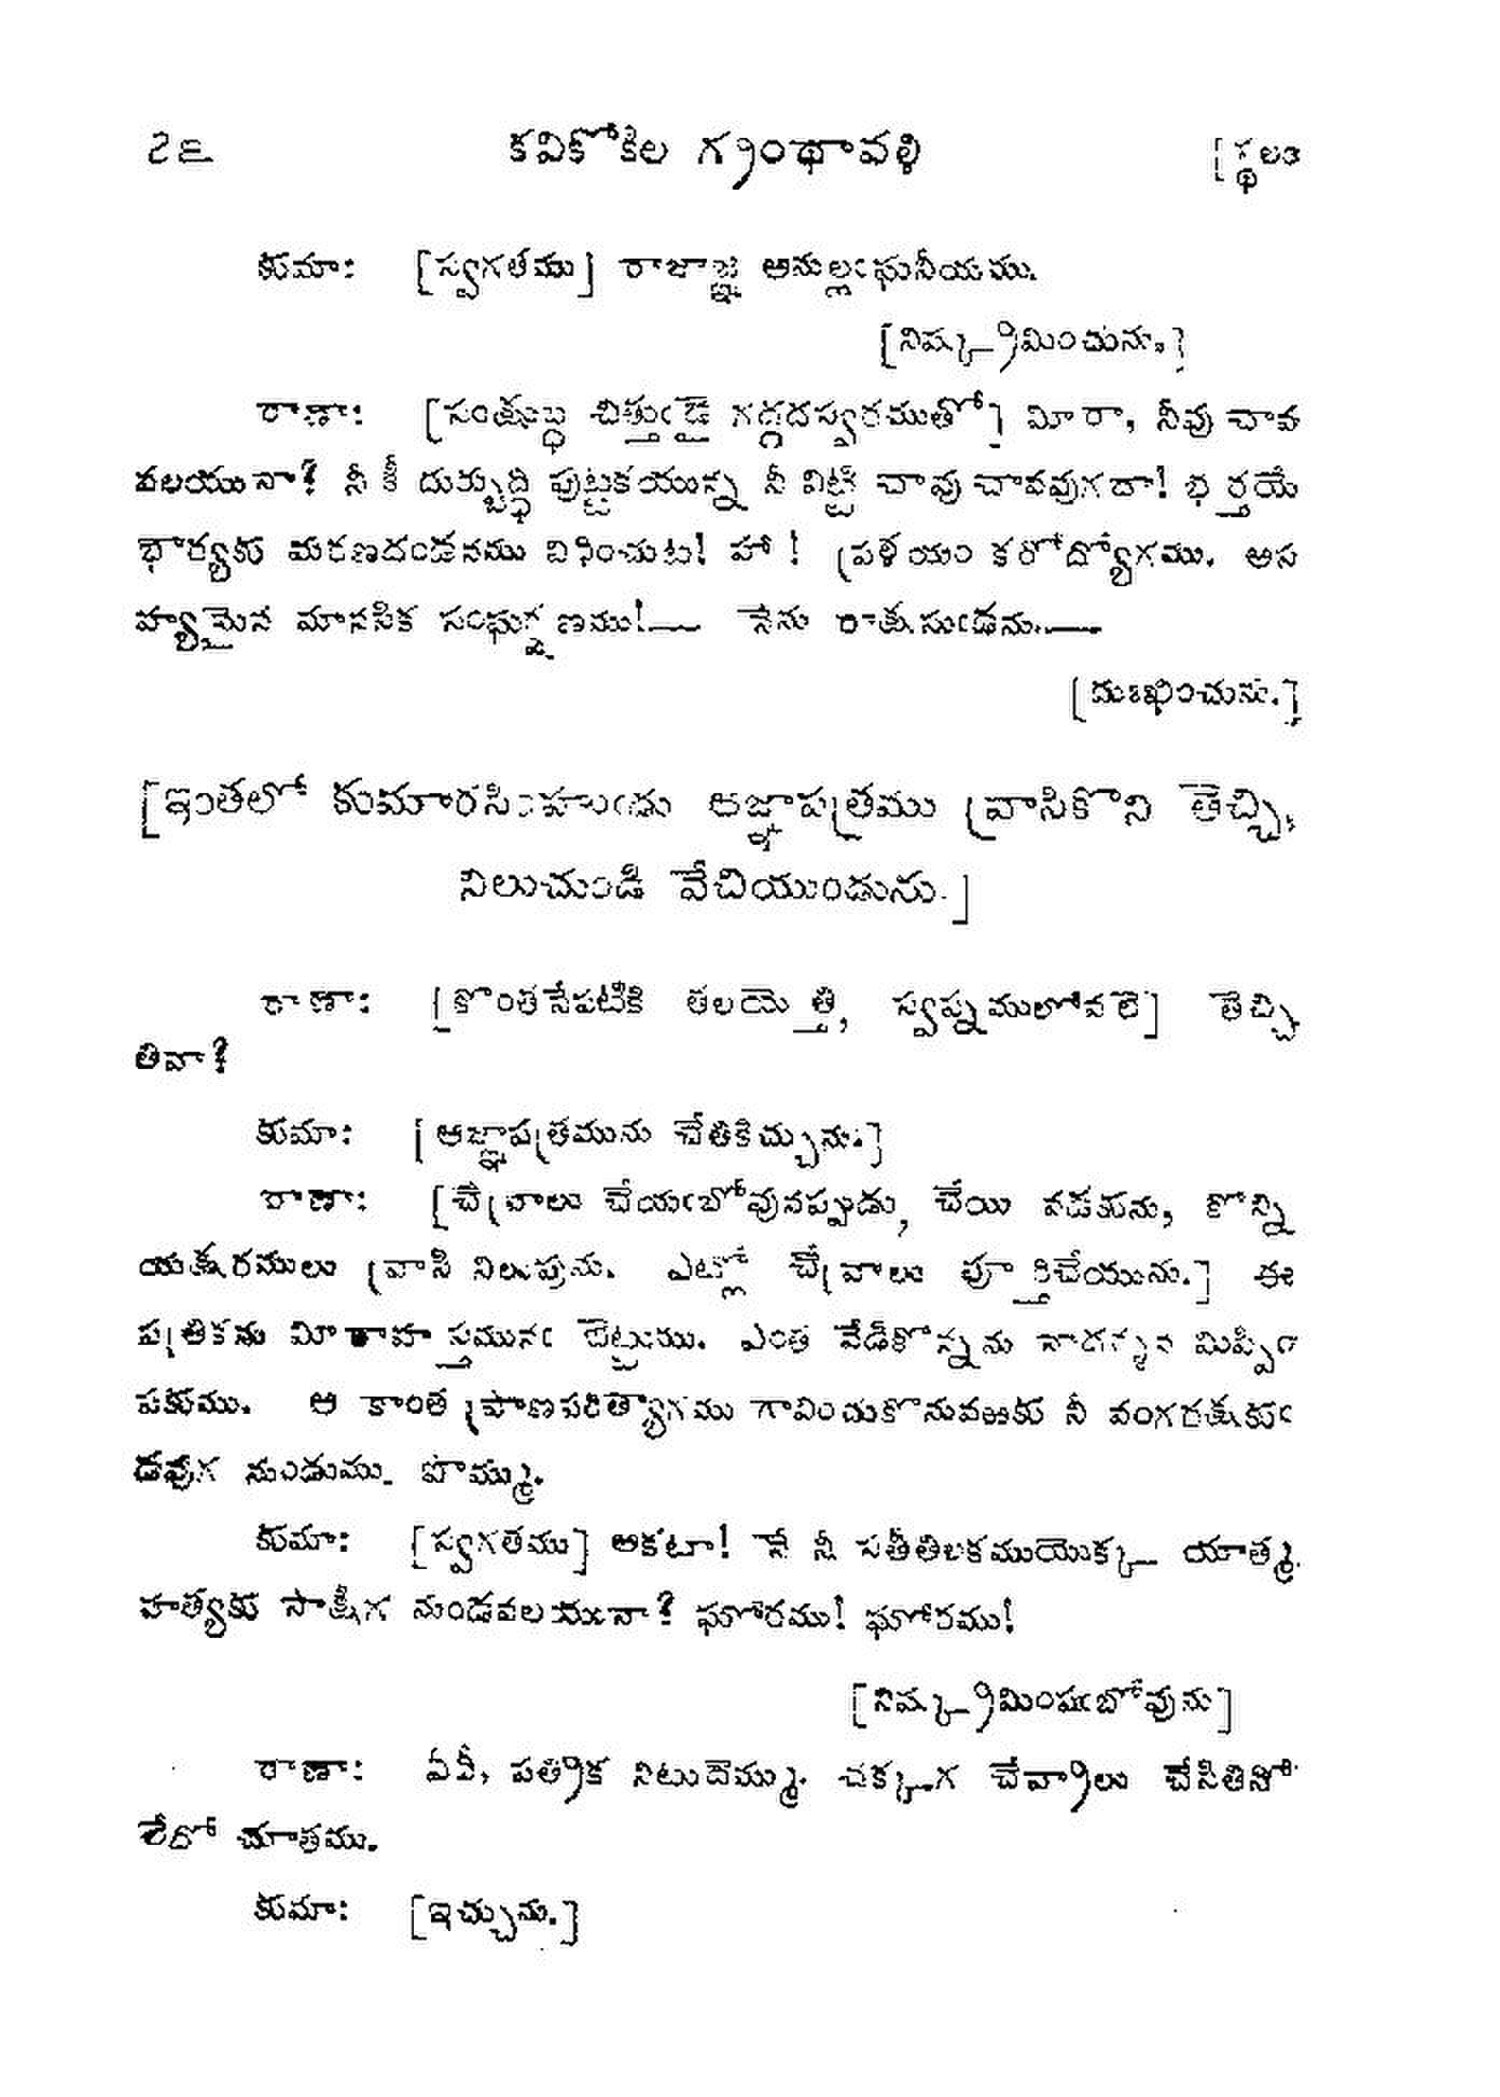కుమా : [స్వగతము] రాజాజ్ఞ అనుల్లంఘనీయము. [నిష్క్రమించును.]

రాణా : [సంక్షుబ్ధ చిత్తుఁడై గద్గదస్వరముతో] మీరా, నీవు చావవలయునా ? నీ కీ దుర్బుద్ధి పుట్టకయున్న నీ విట్టి చావు చావవుగదా ! భర్తయే భార్యకు మరణదండనము విధించుట ! హా ! ప్రళయం కరోద్యోగము. అసహ్యమైన మానసిక సంఘర్షణము! - నేను రాక్షసుఁడను. - [దు:ఖించును.]

రాణా : [కొంతసేపటికి తలయెత్తి స్వప్నములోవలె] తెచ్చితివా?

కుమా : [ఆజ్ఞాపత్రమును చేతికిచ్చును.]

రాణా : [చేవ్రాలు చేయఁబోవునప్పుడు, చేయి వడకును, కొన్ని యక్షరములు వ్రాసి నిలుపును. ఎట్లో చేవ్రాలు పూర్తిచేయును.] ఈ పత్రికను మీరాహస్తమునఁ బెట్టుము. ఎంత వేడికొన్నను నాదర్శన మిప్పింపకుము. ఆ కాంత ప్రాణపరిత్యాగము గావించుకొనువఱకు నీ వంగరక్షకుఁడవుగ నుండుము. పొమ్ము.

కుమా : [స్వగతము] అకటా ! నే నీ సతీతిలకముయొక్క యాత్మహత్యకు సాక్షిగ నుండవలయునా ? ఘోరము ! ఘోరము! [నిష్క్రమింపఁబోవును]

రాణా : ఏదీ, పత్రిక నిటుదెమ్ము. చక్కగ చేవ్రాలు చేసితినో లేదో చూతము.

కుమా : [ఇచ్చును.]